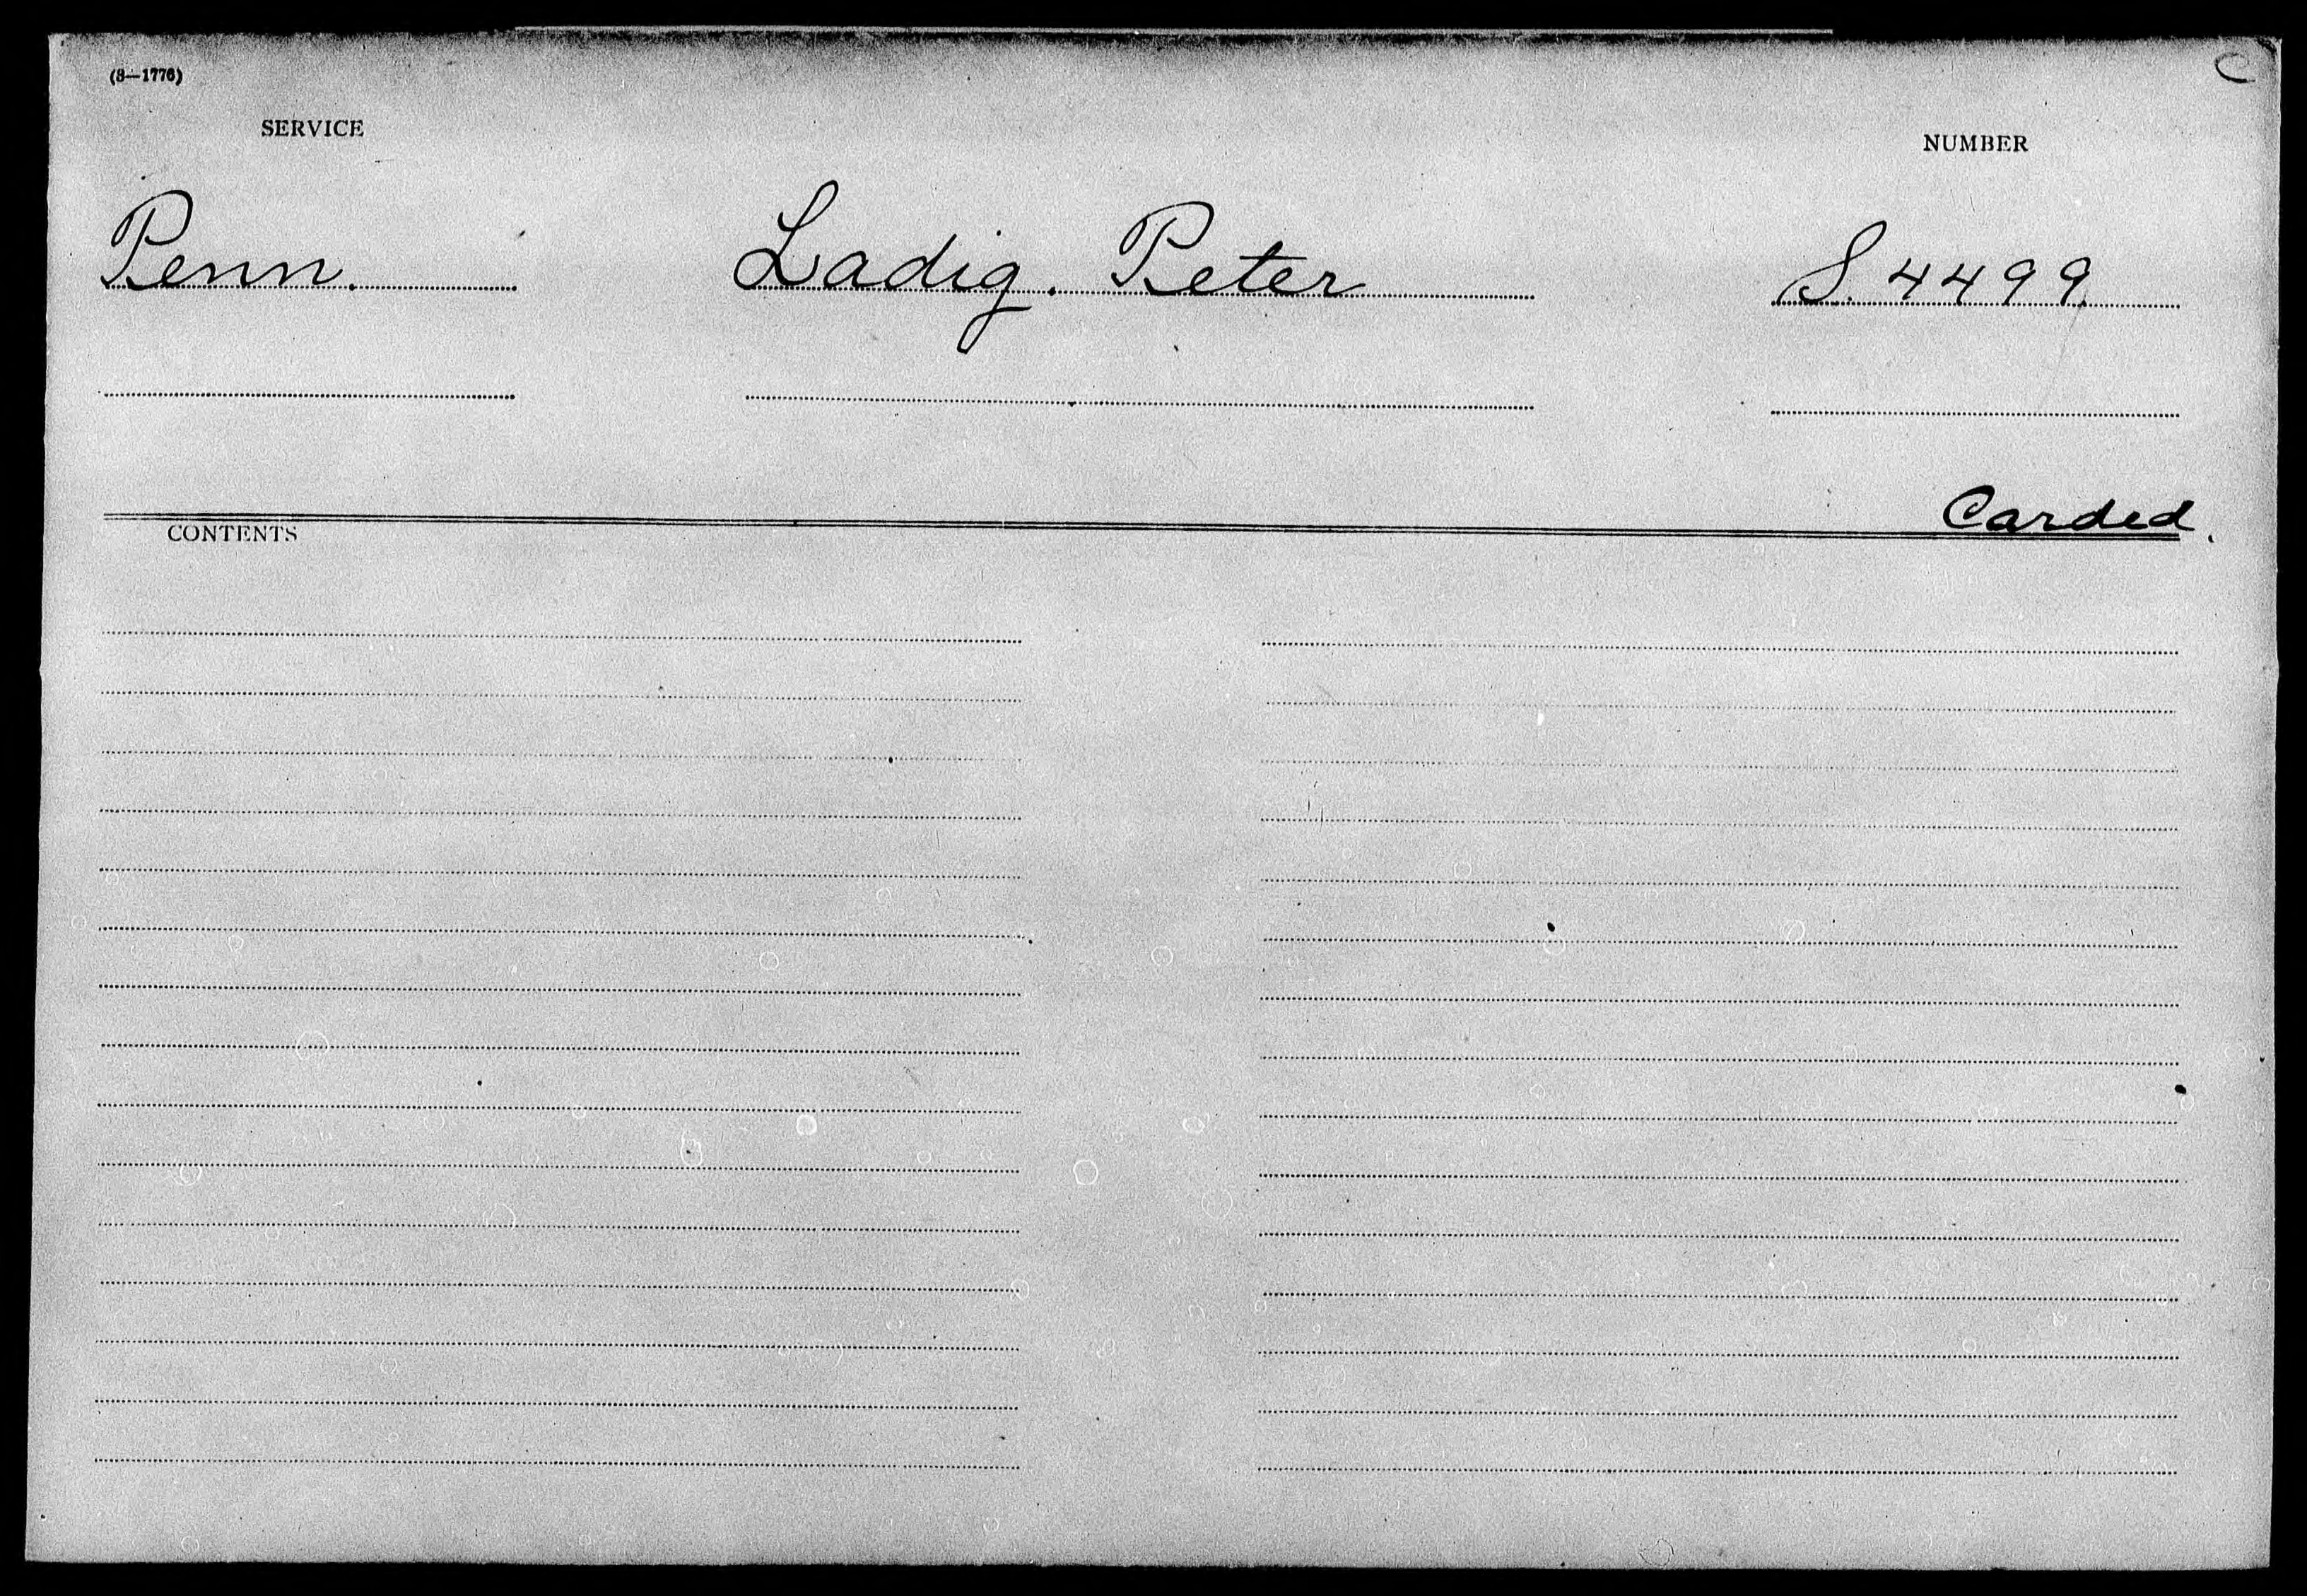Service
Penn.

Ladig, Peter
NUMBER
S. 4499
-
Carded

CONTENTS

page: 1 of 17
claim: survivor's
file: S. 4499, for Peter Ladig, Pennsylvania